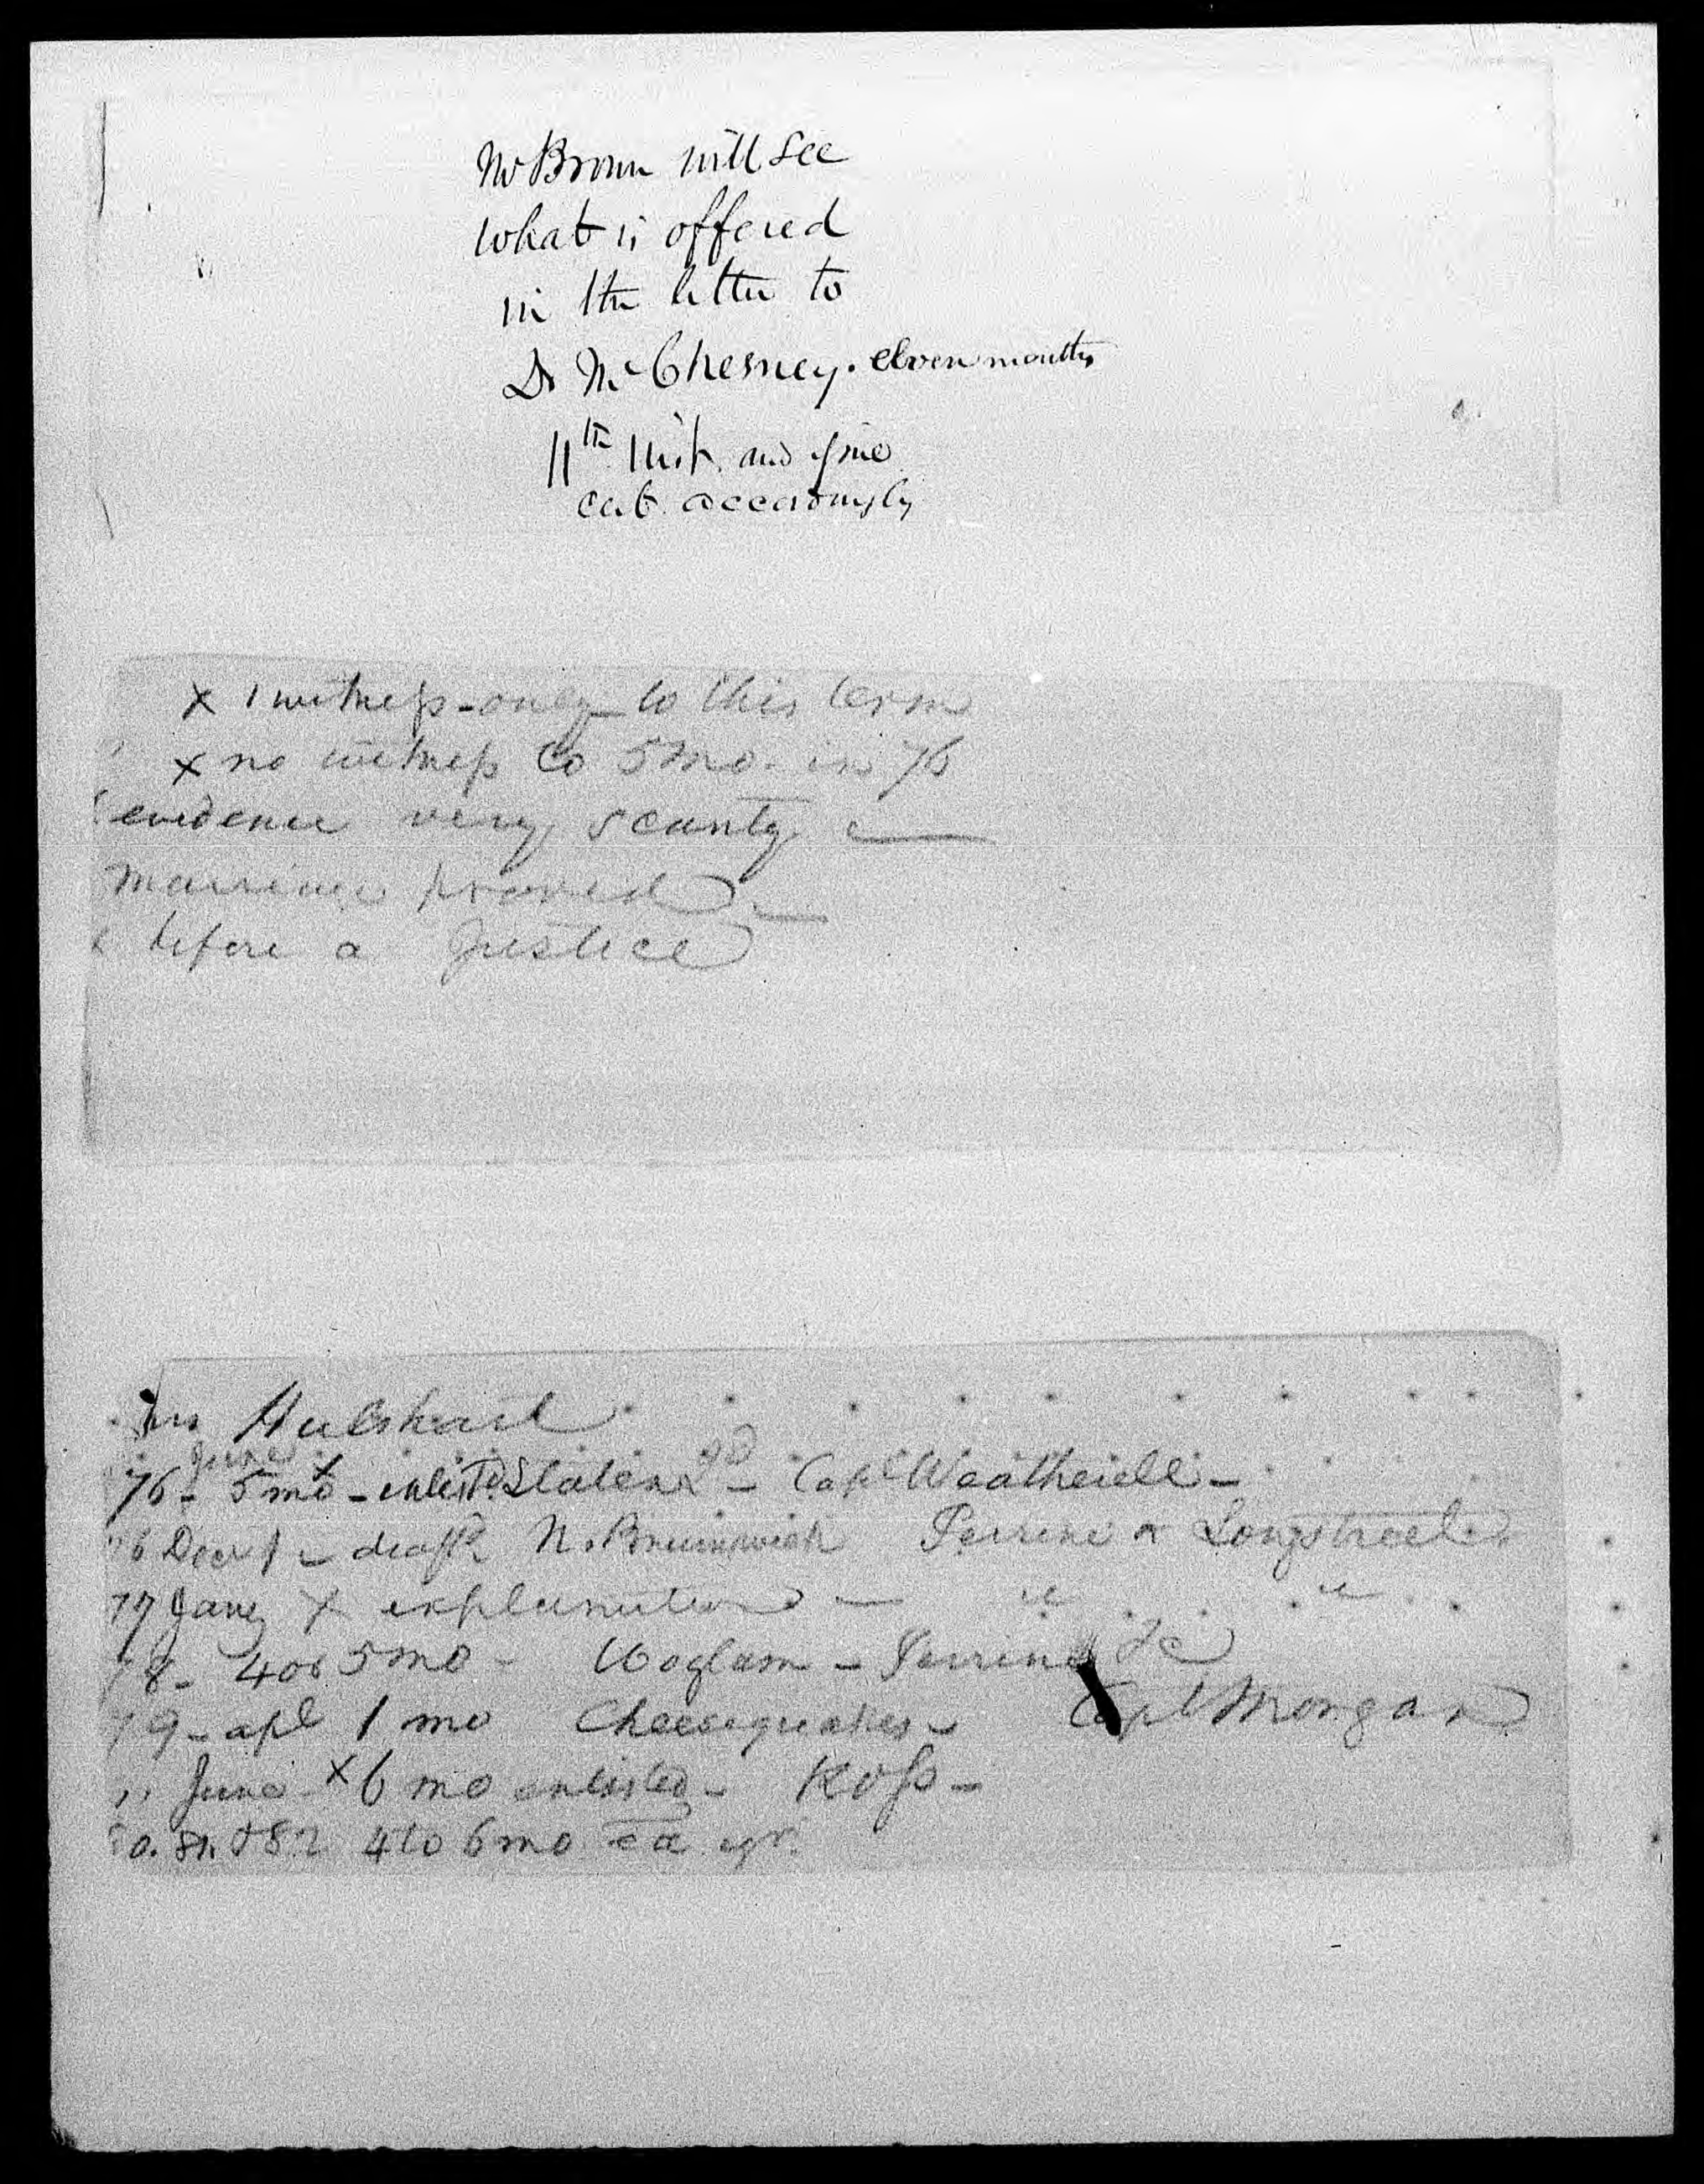Mr Brown will see
what is offered
in the letter to
D. McChesney, Eleven months
11th Hist. and fine
cat. accordingly


X 1 witness - only - to this term
X no witness to 5 mo. in 76
evidence very scanty--
marriage proved
before a Justice


Mrs Hulshart
76 June - 5 mo x - enlisted Staten 2d -   Capt Weatherell-
76 Decr 1 - draft N. Brunswick Prrine & Longstreet
77 Jany X  explanation--
78- 4 or 5 mos- Woglum - Perrine  Capt Morgan
79- apl 1 mo Cheesequakes-
  "  June x 6 mo. enlisted- Kofs-
serve me enlisted as
[cut off]0.81 & 82  4 to 6 mo ea. yr.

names: Morgan, Woglum, Brown, Longstreet, Slater, Mc Chesney, Hulshart, N Bruinwiah, Weatherill, Cheeseguakes, Perrine, Ross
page: 21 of 34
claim: widow's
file: W. 940, John Hulshart, New Jersey